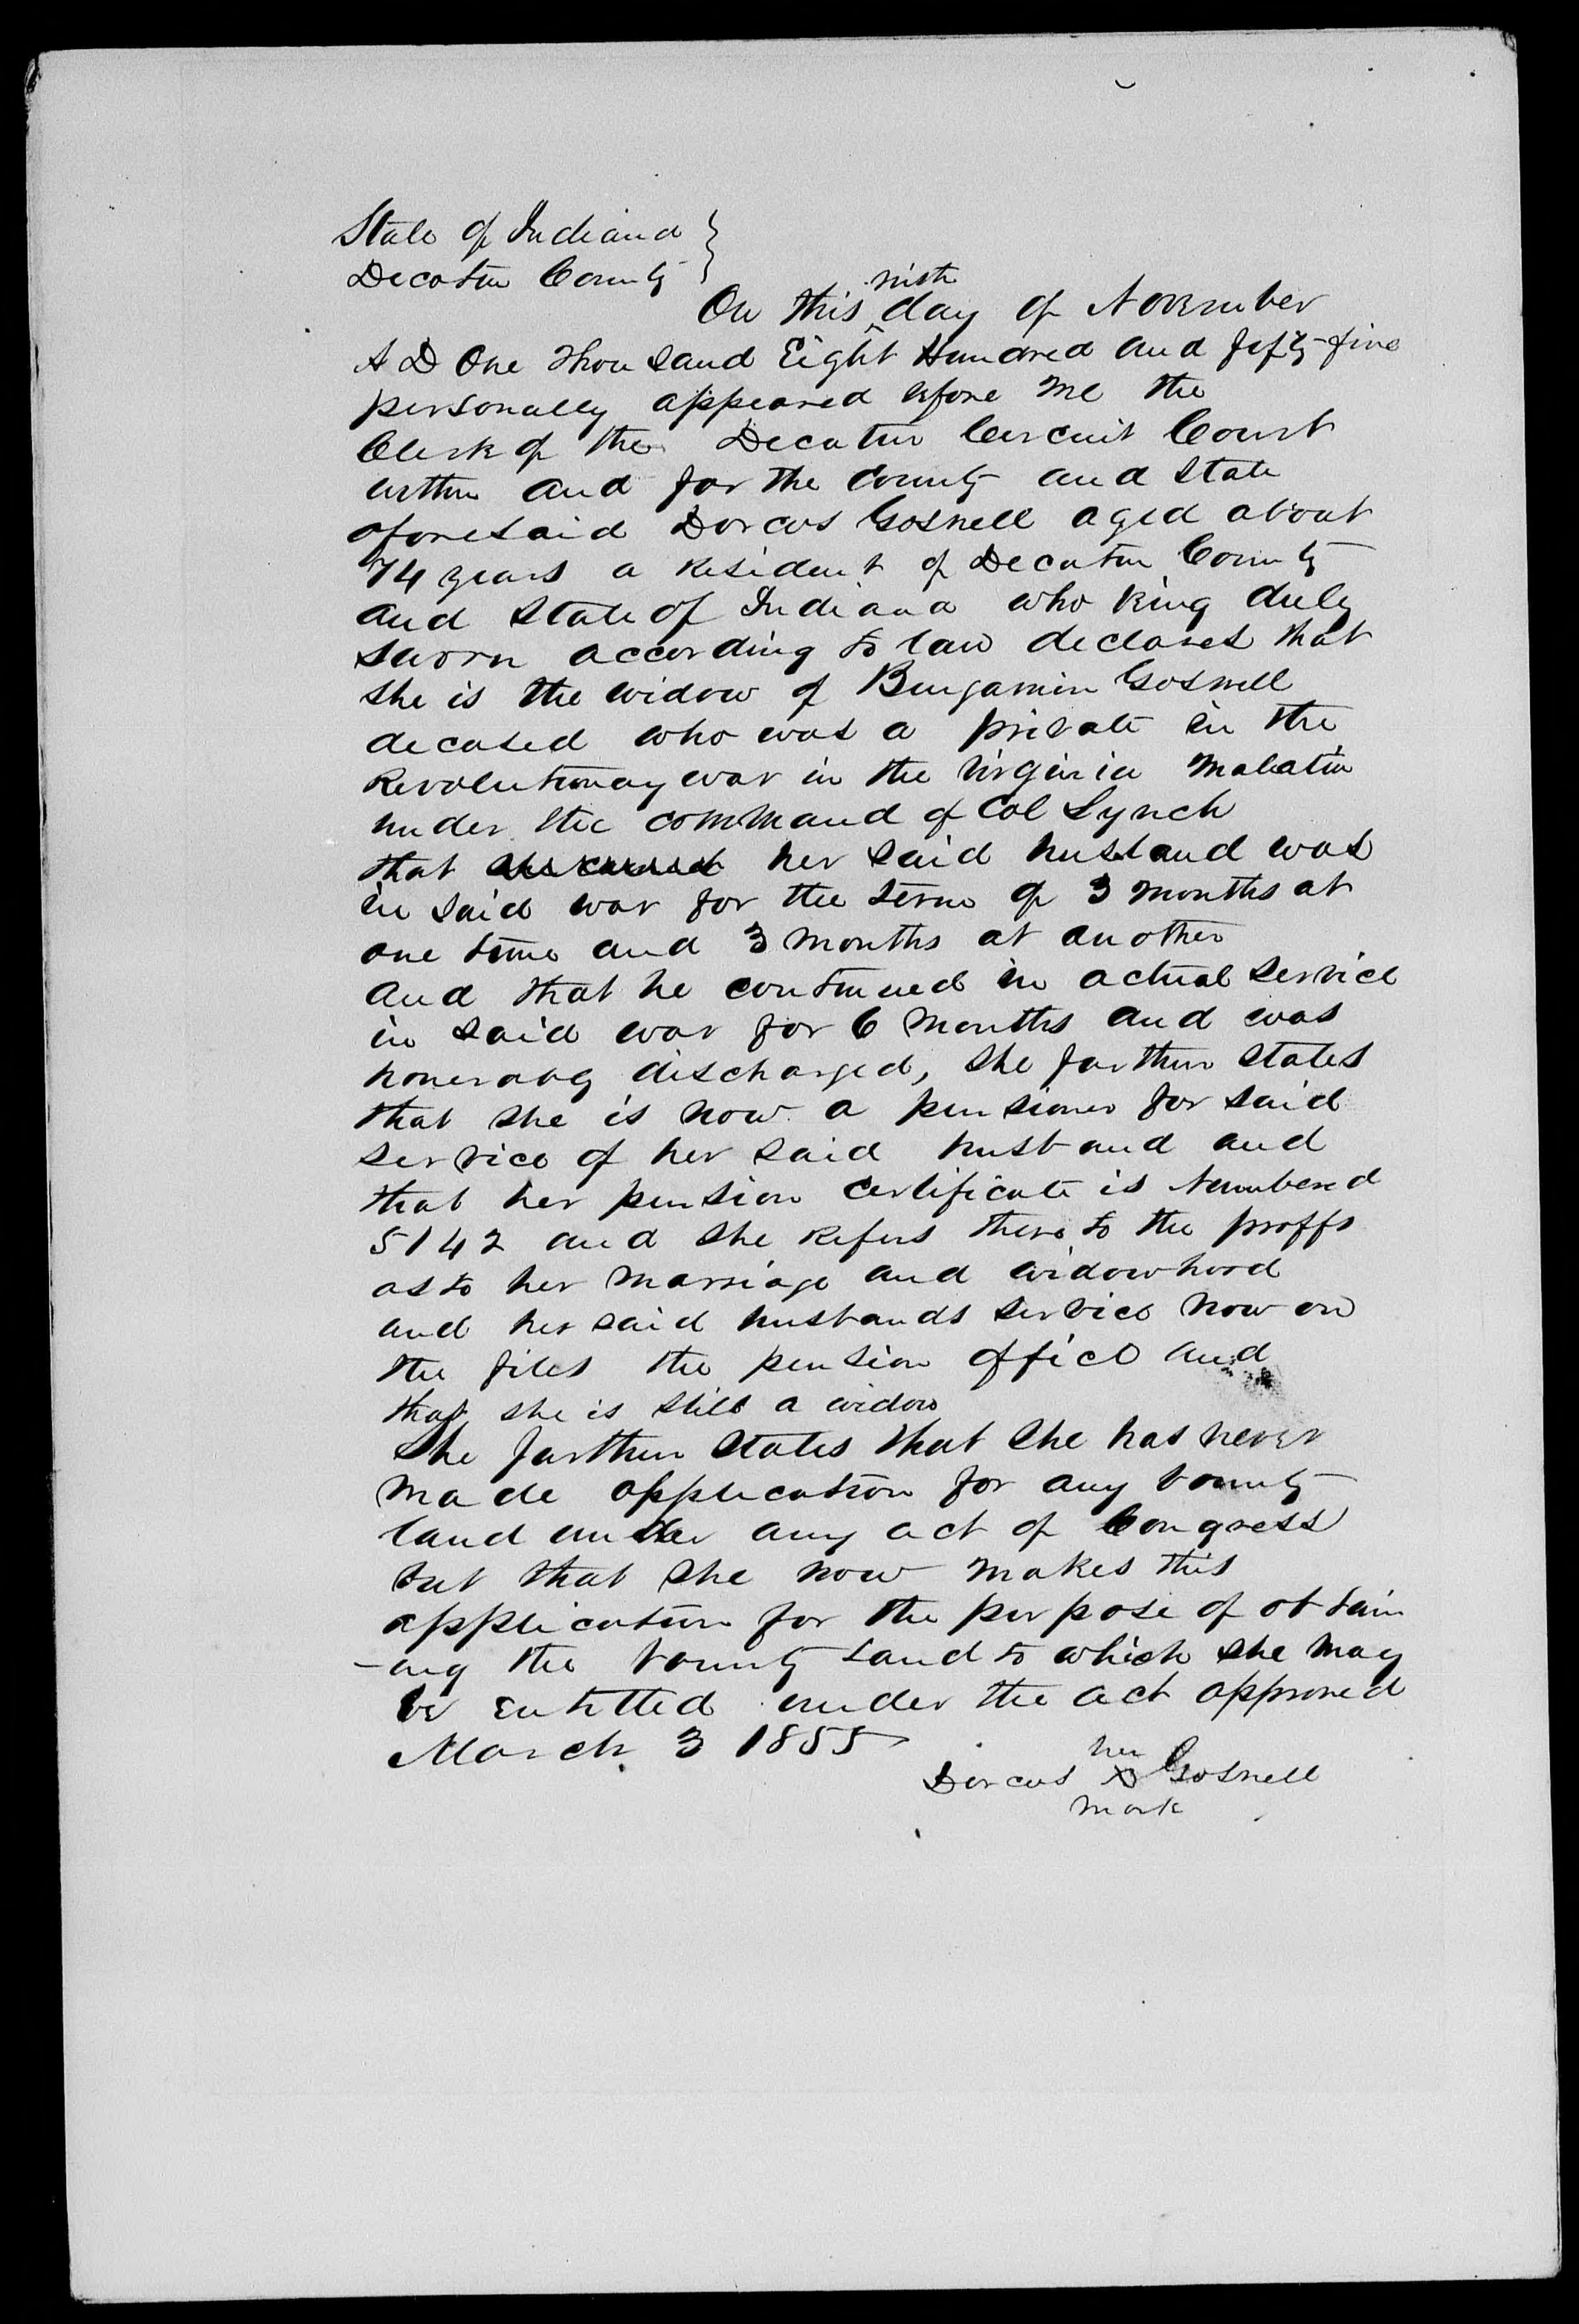State of Indiana Decatur County}
On this ninth day of November AD One Thousand Eight Hundred and fifty-five personally appeared before me the Clerk of the Decatur Circuit Court within and for the county and state aforesaid Dorcas Gosnell aged about 74 years a resident of Decatur County and state of Indiana who being duly sworn according to law declared that she is the widow of Benjamin Gosnell deceased who was a private in the Revolutionary war in the Virginia Malatia [Militia] under the command of Col Lynch that [illegible; struck through] her said husband was in said war for the term of 3 months at one time and 3 months at another and that he continued in actual service in said war for 6 months and was honorably discharged, She further states that she is now a pensioner for said service of her said husband and that her pension certificate is Numbered 5142 and she refers there to the proffs [proofs or proffers] as to her marriage and widowhood and her said husbands service now on the files [at] the pension office and that she is still a widow.

She further states that she has never made application for any bounty land under any act of Congress but that she now makes this application for the purpose of obtaining the bounty land to which she may be entitled under the act approved March 3 1855
Dorcas Gosnell
her x mark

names: Lynch, Dorcas Gosnell, Benjamin Gosnell, Dorcas Gosnell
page: 15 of 39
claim: widow's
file: W. 11060, Benjamin Gosnell, Va.